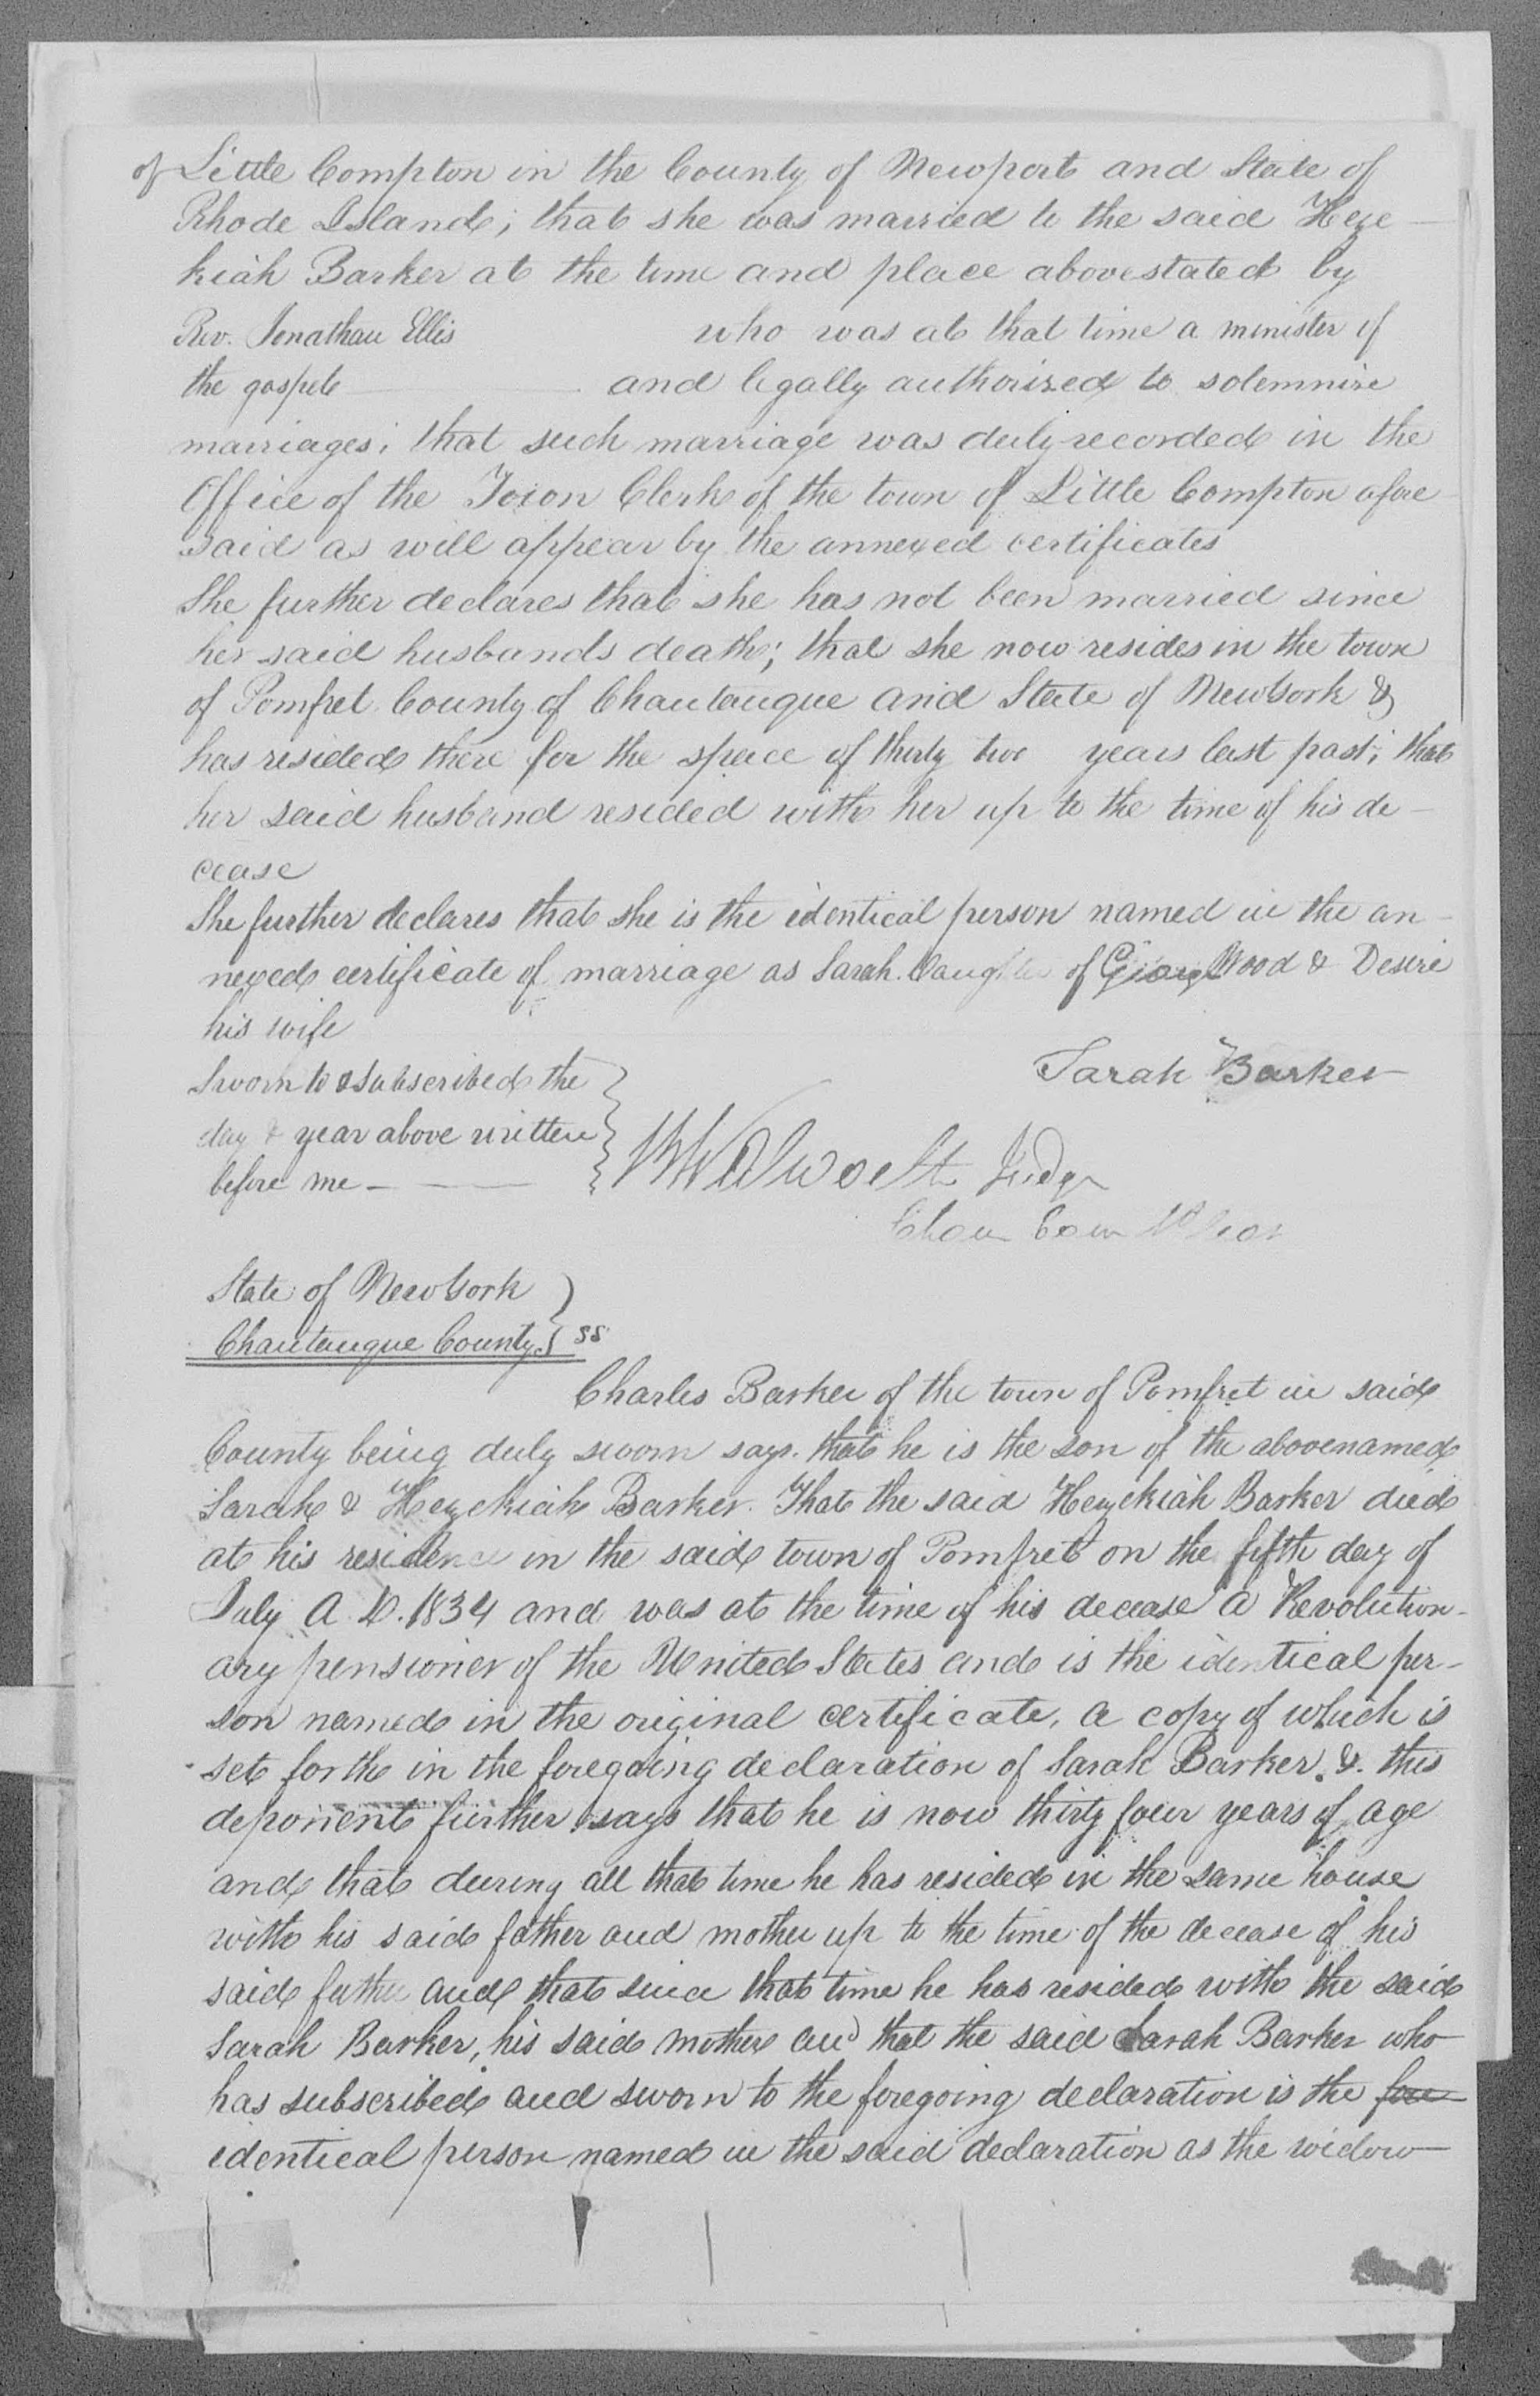of Little Compton in the County of Newport and State of Rhode Island; that she was married to the said Hezekiah Barker at the time and place above stated by rev. Jonathan Ellis who was at that time a minister of the gospel and legally authorised to solemnize marriages; that such marriage was duly recorded in the office of the Town Clerk of the town of Little Compton aforesaid as will appear by the annexed certificates. She further declares that she has not been married since her said husbands death; that she now resides in the town of Pomfret County of Chautauque and State of New York & has resided there for the space of thirty two years last past; that he said husband resided with her up to the time of his decease. She further declares that she is the identical person named in the annexed certificate of marriage as Sarah daughter of George Wood & Desire his wife. Sarah Barker Sworn to & subscribed the day & year above written before me B Walworth Judge Ct of Com pleas. State of New York Chautauque County SS Charles Barker of the town of Pomfret in said County being duly sworn says that he is the son of the abovenamed Sarah & Hezekiah Barker. That the said Hezekiah Barker died at his residence in the said town of Pomfret on the fifth day of July A.D. 1834 and was at the time of his decease a Revolutionary pensioner of the United States and is the identical person named in the original certificate, a copy of which is set forth in the foregoing declaration of Sarah Barker & this deponent further says that he is now thirty four years of age and that during all that time he has resided in the same house with his said father and mother up to the time of the decease of his said father and that since that time he has resided with the said Sarah Barker his said Mother and that the said Sarah Barker who has subscribed and sworn to the foregoing declaration is the identical person named in the said declaration as the widow-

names: Charles Barker, Hezekiah Barker, Sarah Barker, George Wood, Sarah Barker, B Walworth, Hezekiah Barker, Sarah Barker, Sarah Barker, Sarah Barker, Hezekiah Barker, Sarah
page: 9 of 52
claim: widow's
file: W. 18,565, Hezekiah Barker, Continental R.I.